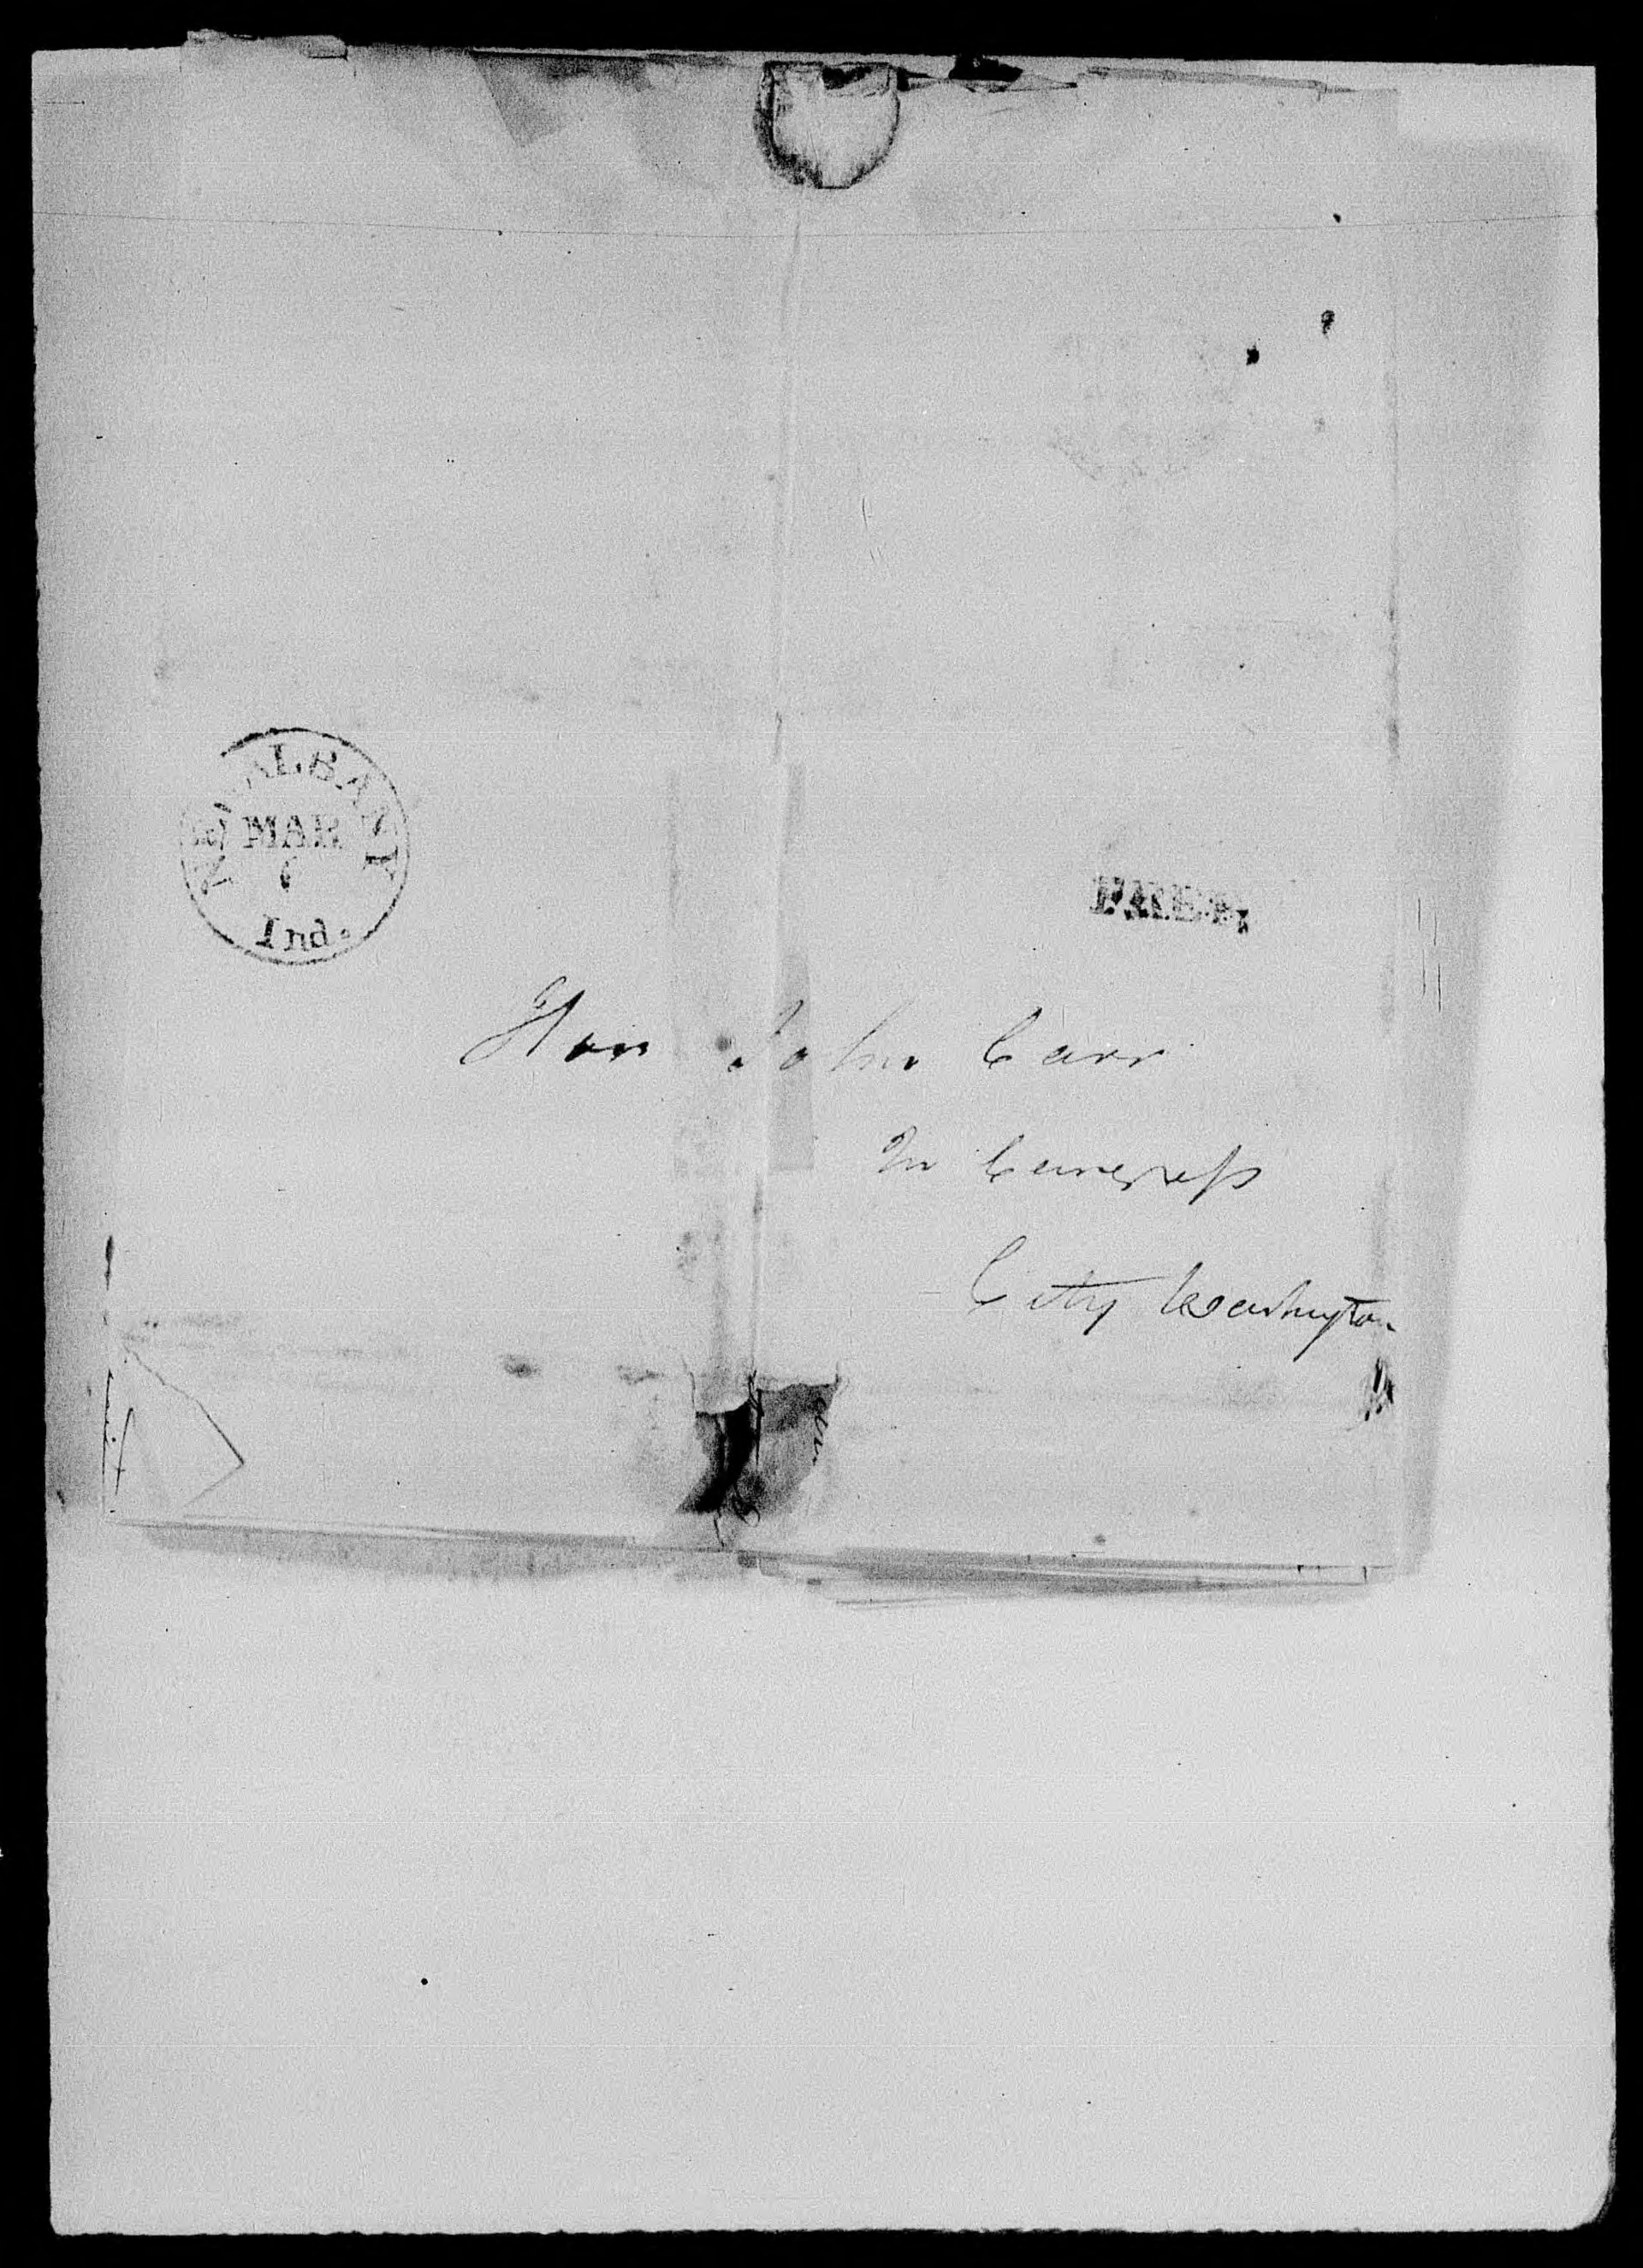NEW ALBANY Ind.
MAR [illegible]

FREE

Hon John Carr
In Congress
City Washington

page: 7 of 56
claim: rejected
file: R 5529, for Samuel Jackson, Virginia